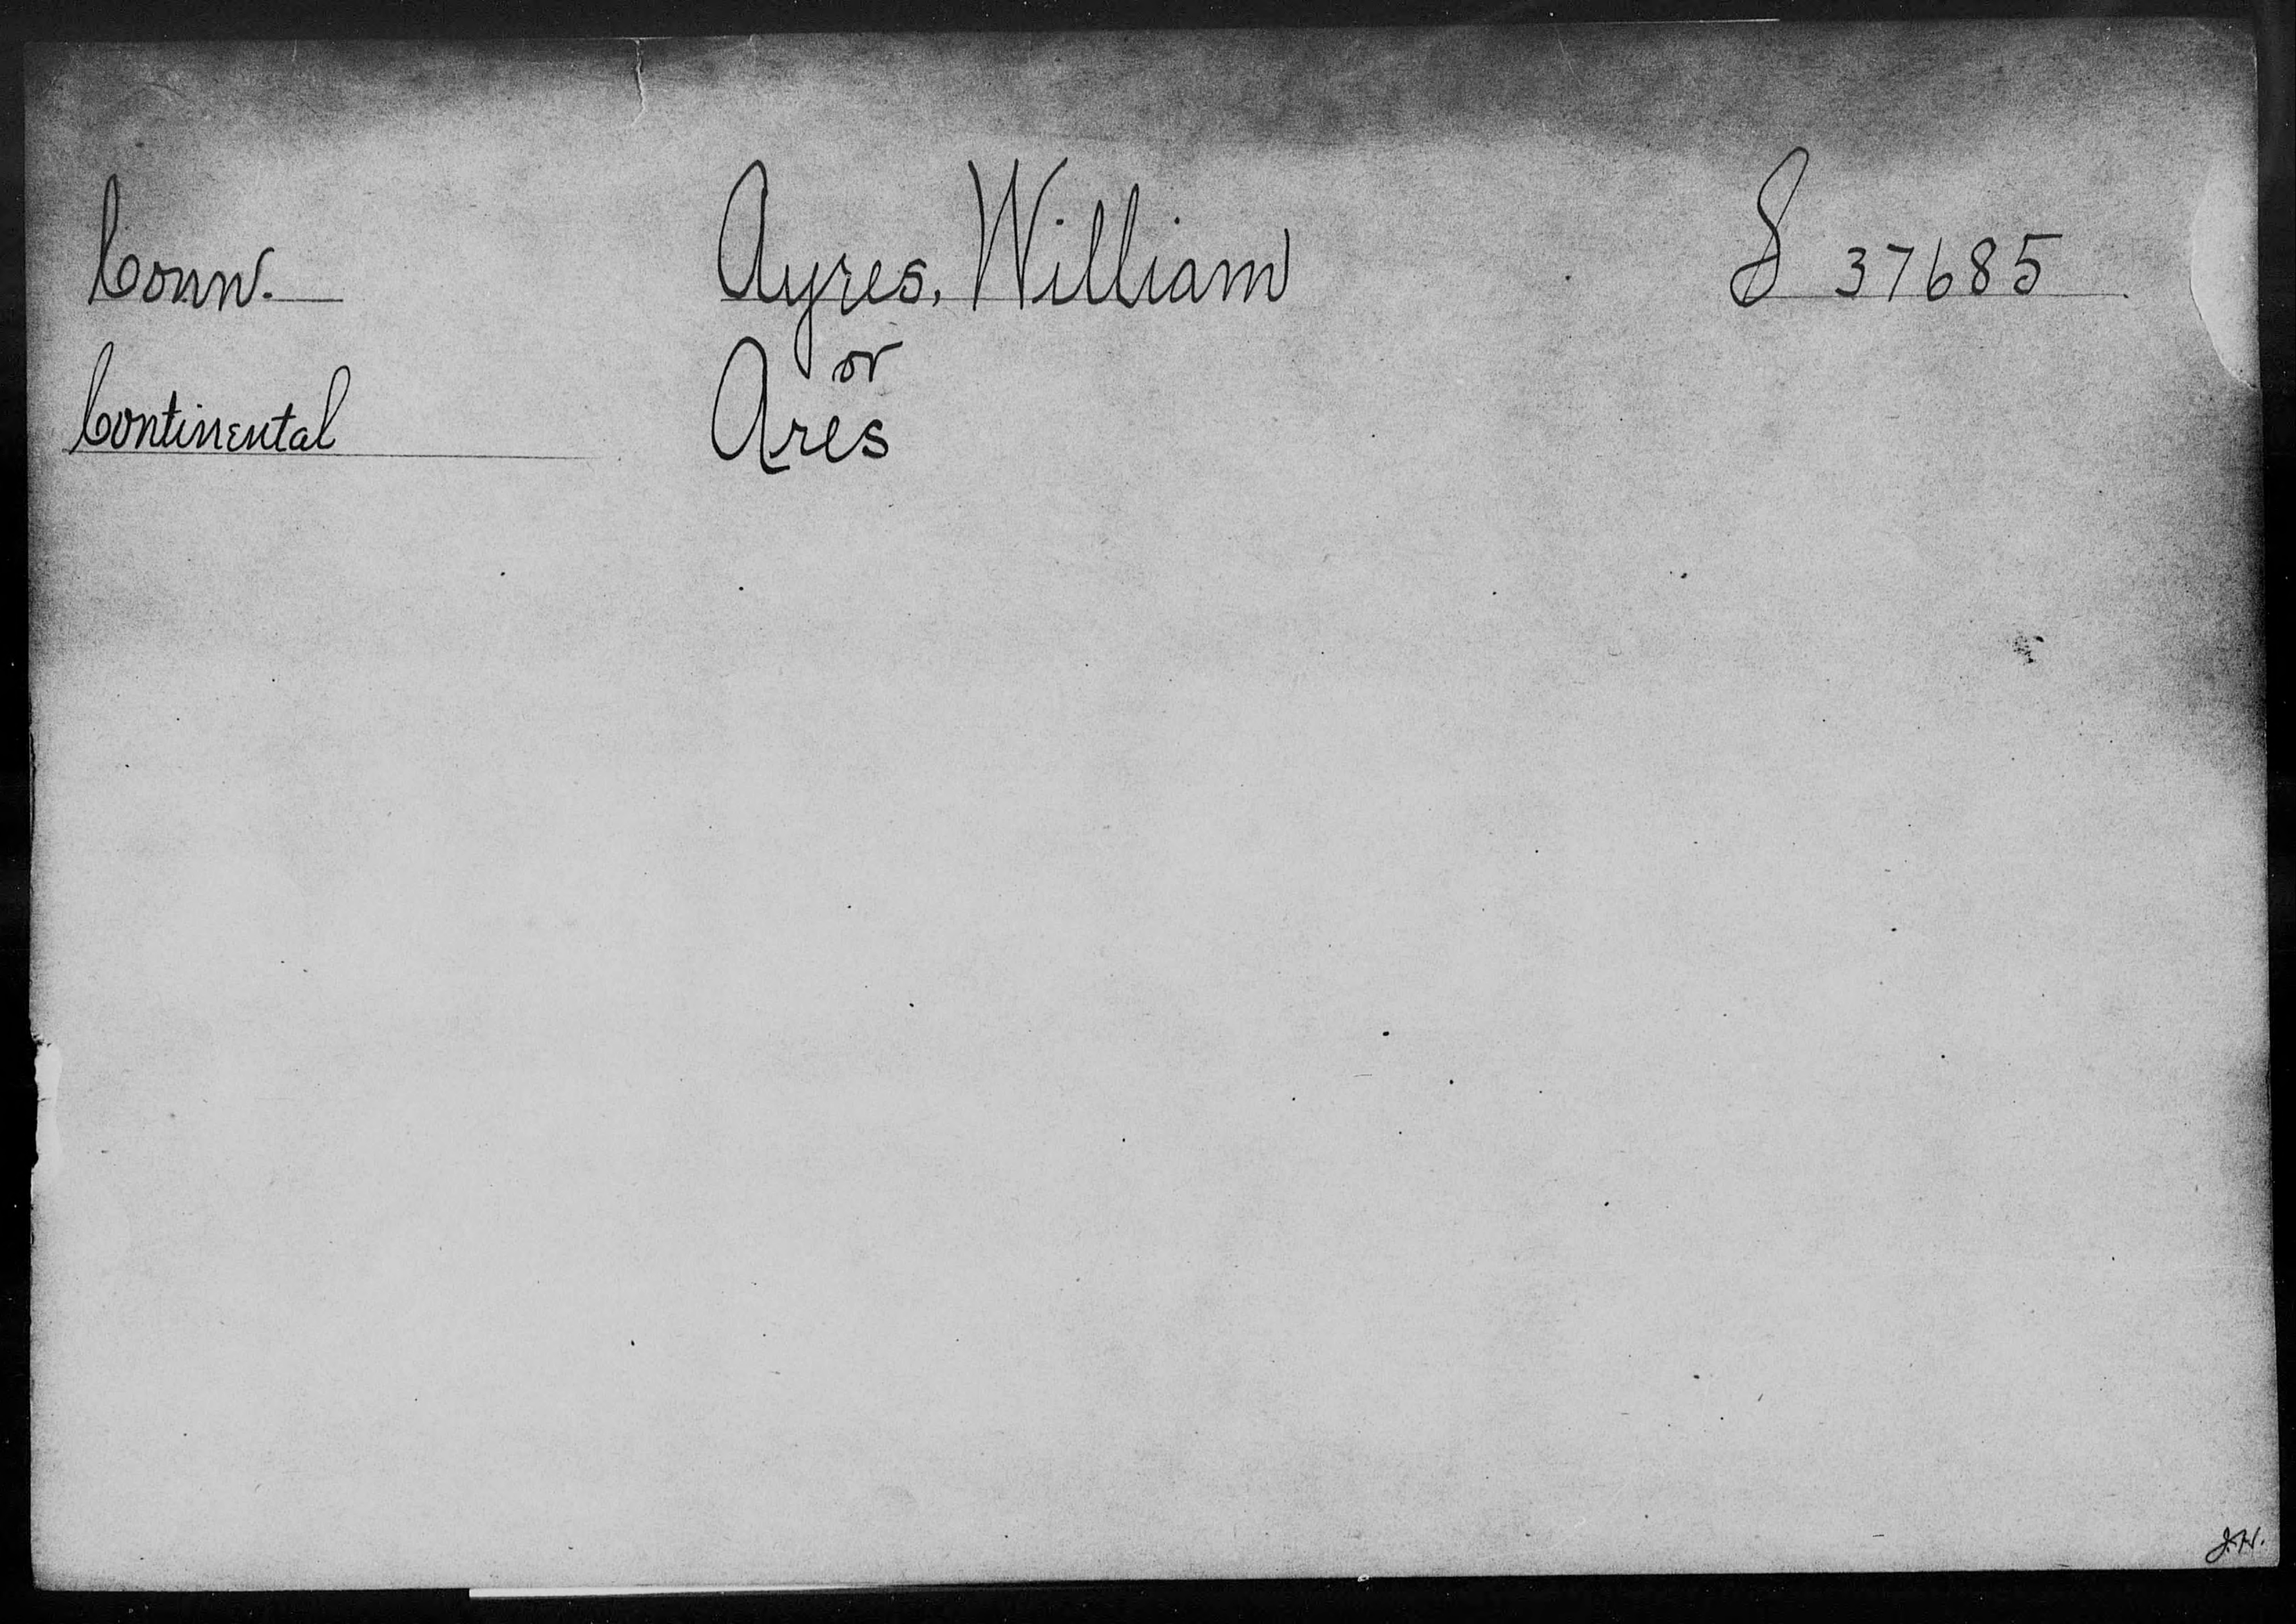Conn.
Continental

Ayres, William
or
Ares

S37685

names: William Ares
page: 1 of 1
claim: survivor's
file: S 37685, William Ayres, Conn. Continental